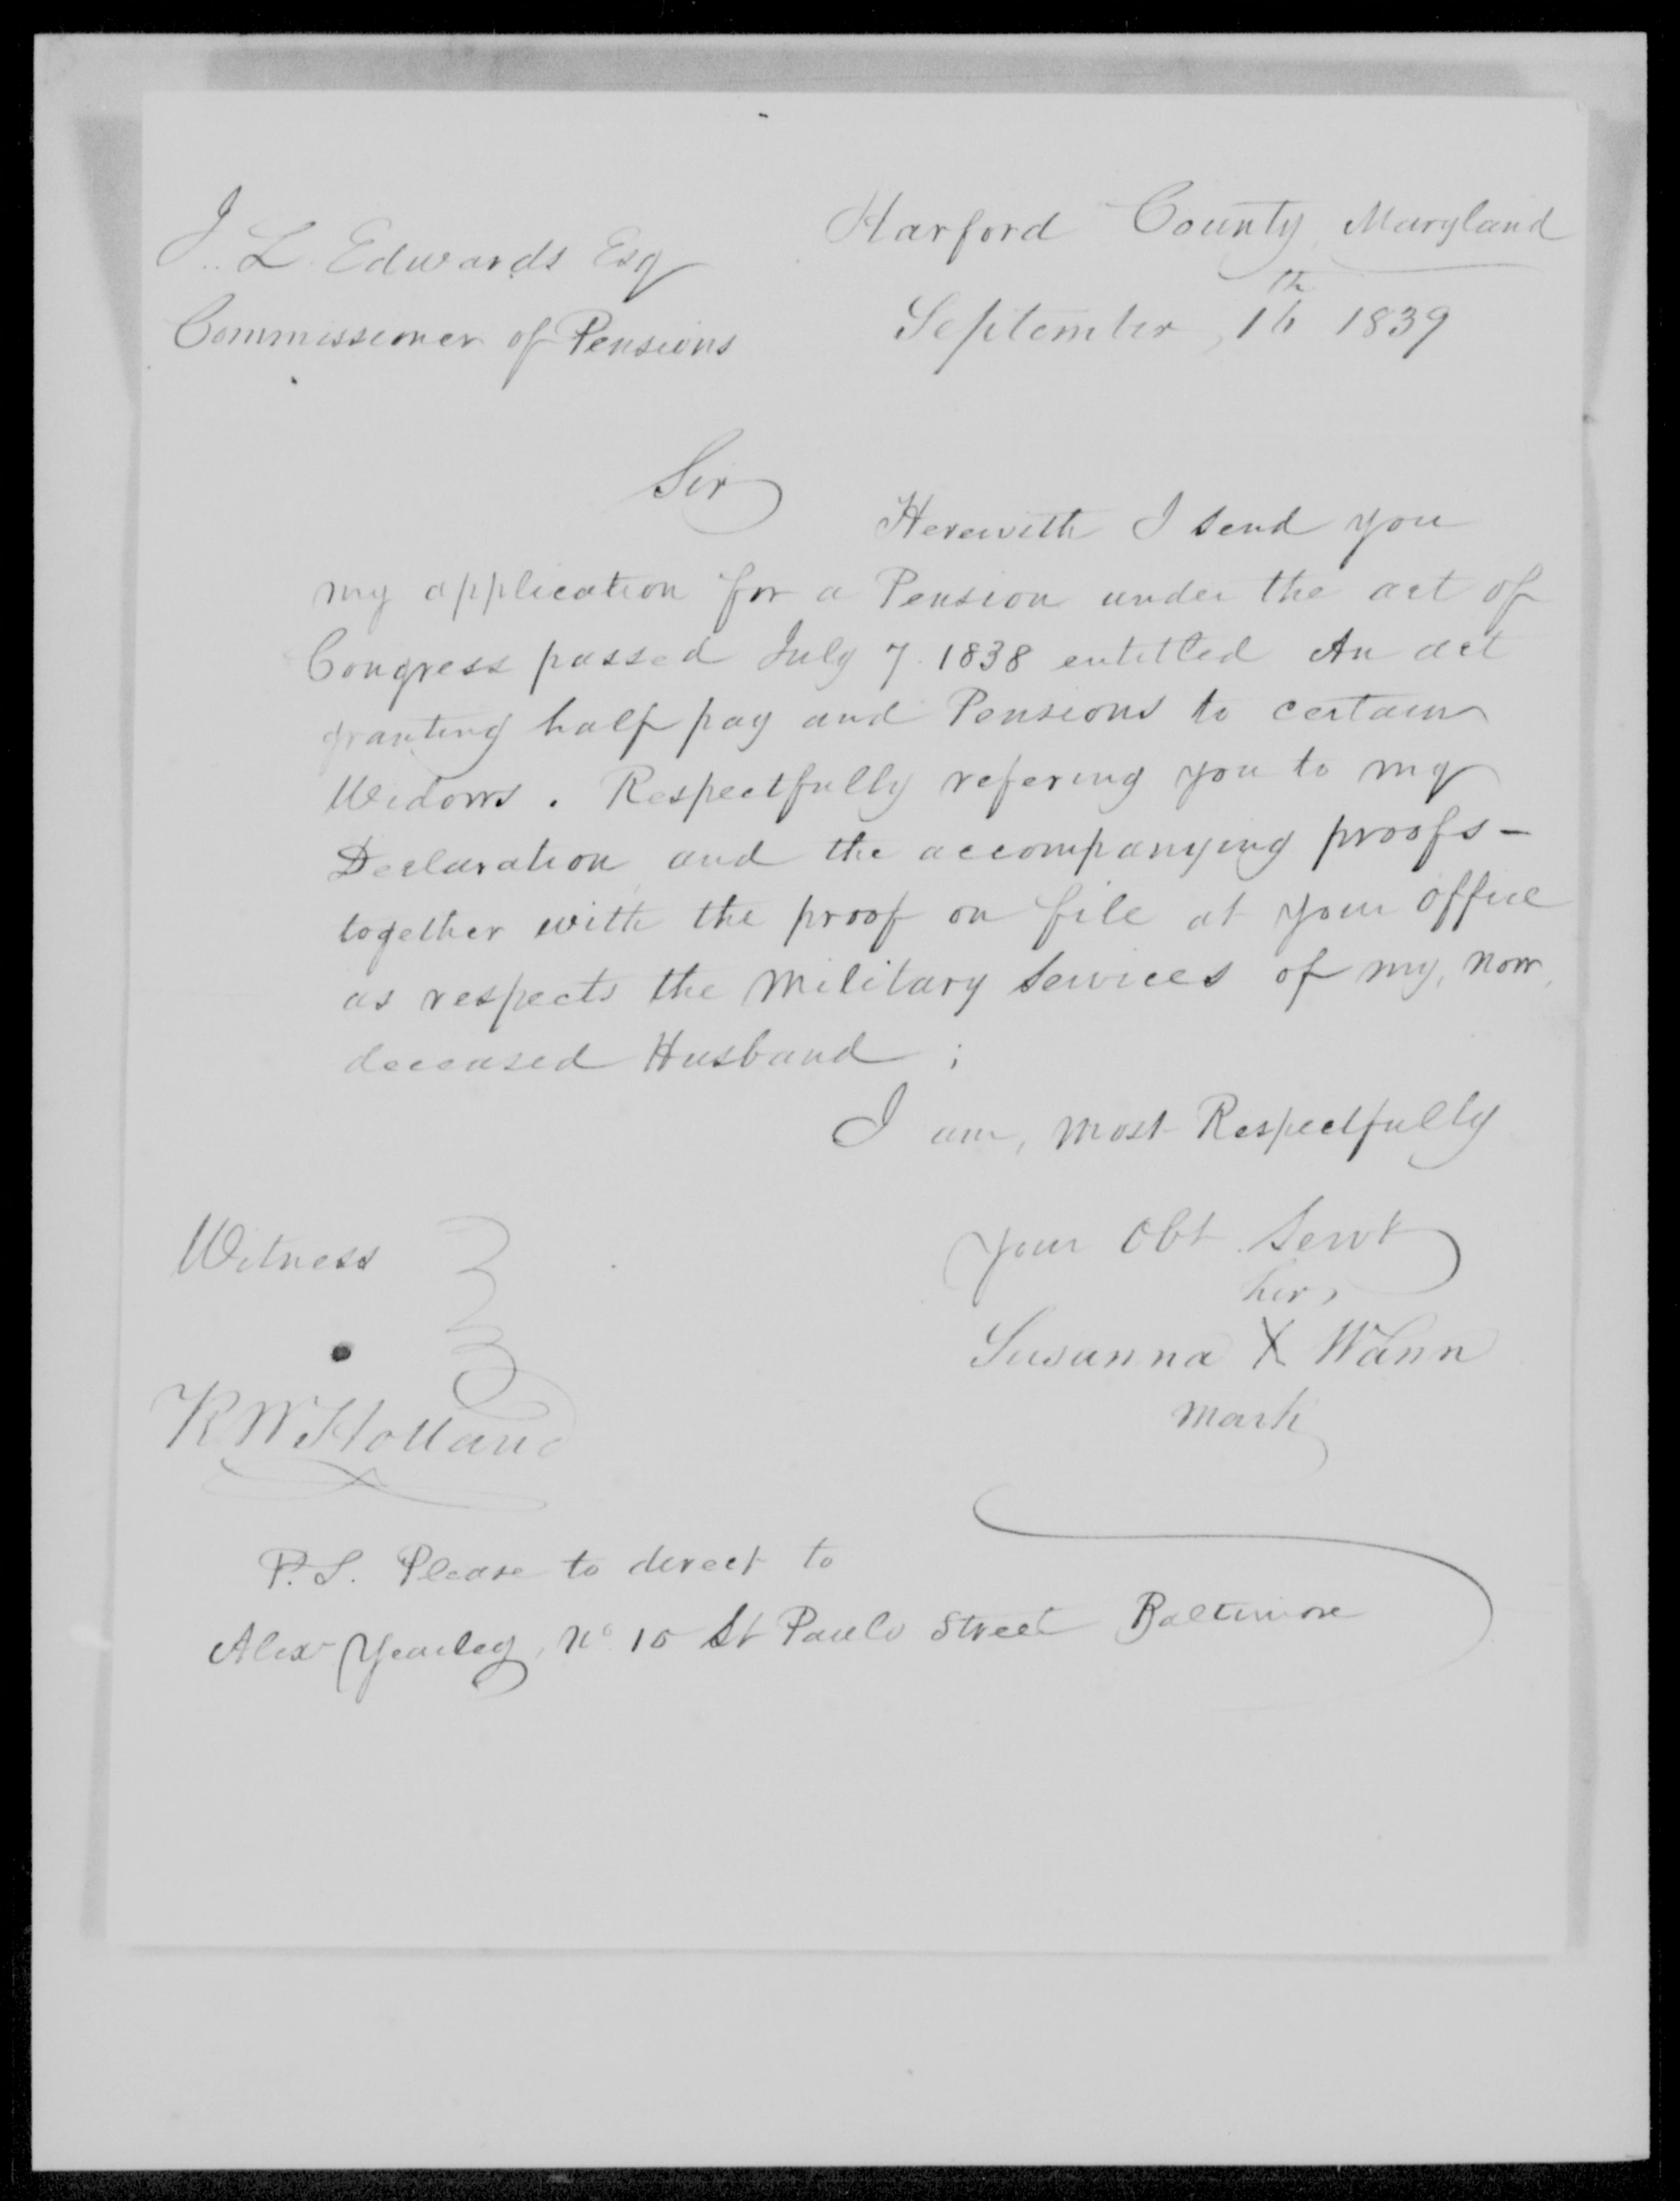Harford County Maryland
September 16 1839
J L Edwards Esq
Commissioner of Pensions
Sir
Herewith I send you my application for a Pension under the act of Congress passed July 7 1838 entitled An act granting half pay and Pensions to certain
Widows. Respectfully refering [referring] you to my Declaration and the accompanying proofs -- together with the proof on file at your office as respects the military services of my, now, deceased Husband;
I am, most respectfully
your Obt Servt
her
Susanna X Wann
Mark
Witness}
R W. Holland}
P.S. Please to direct to Alex Yearley, No 1 St Pauls Street Baltimore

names: J L Edwards, R W Holland, Alexr Yearley, Susanna Wann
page: 28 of 38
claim: widow's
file: W. 3899, John Wann, Penn.